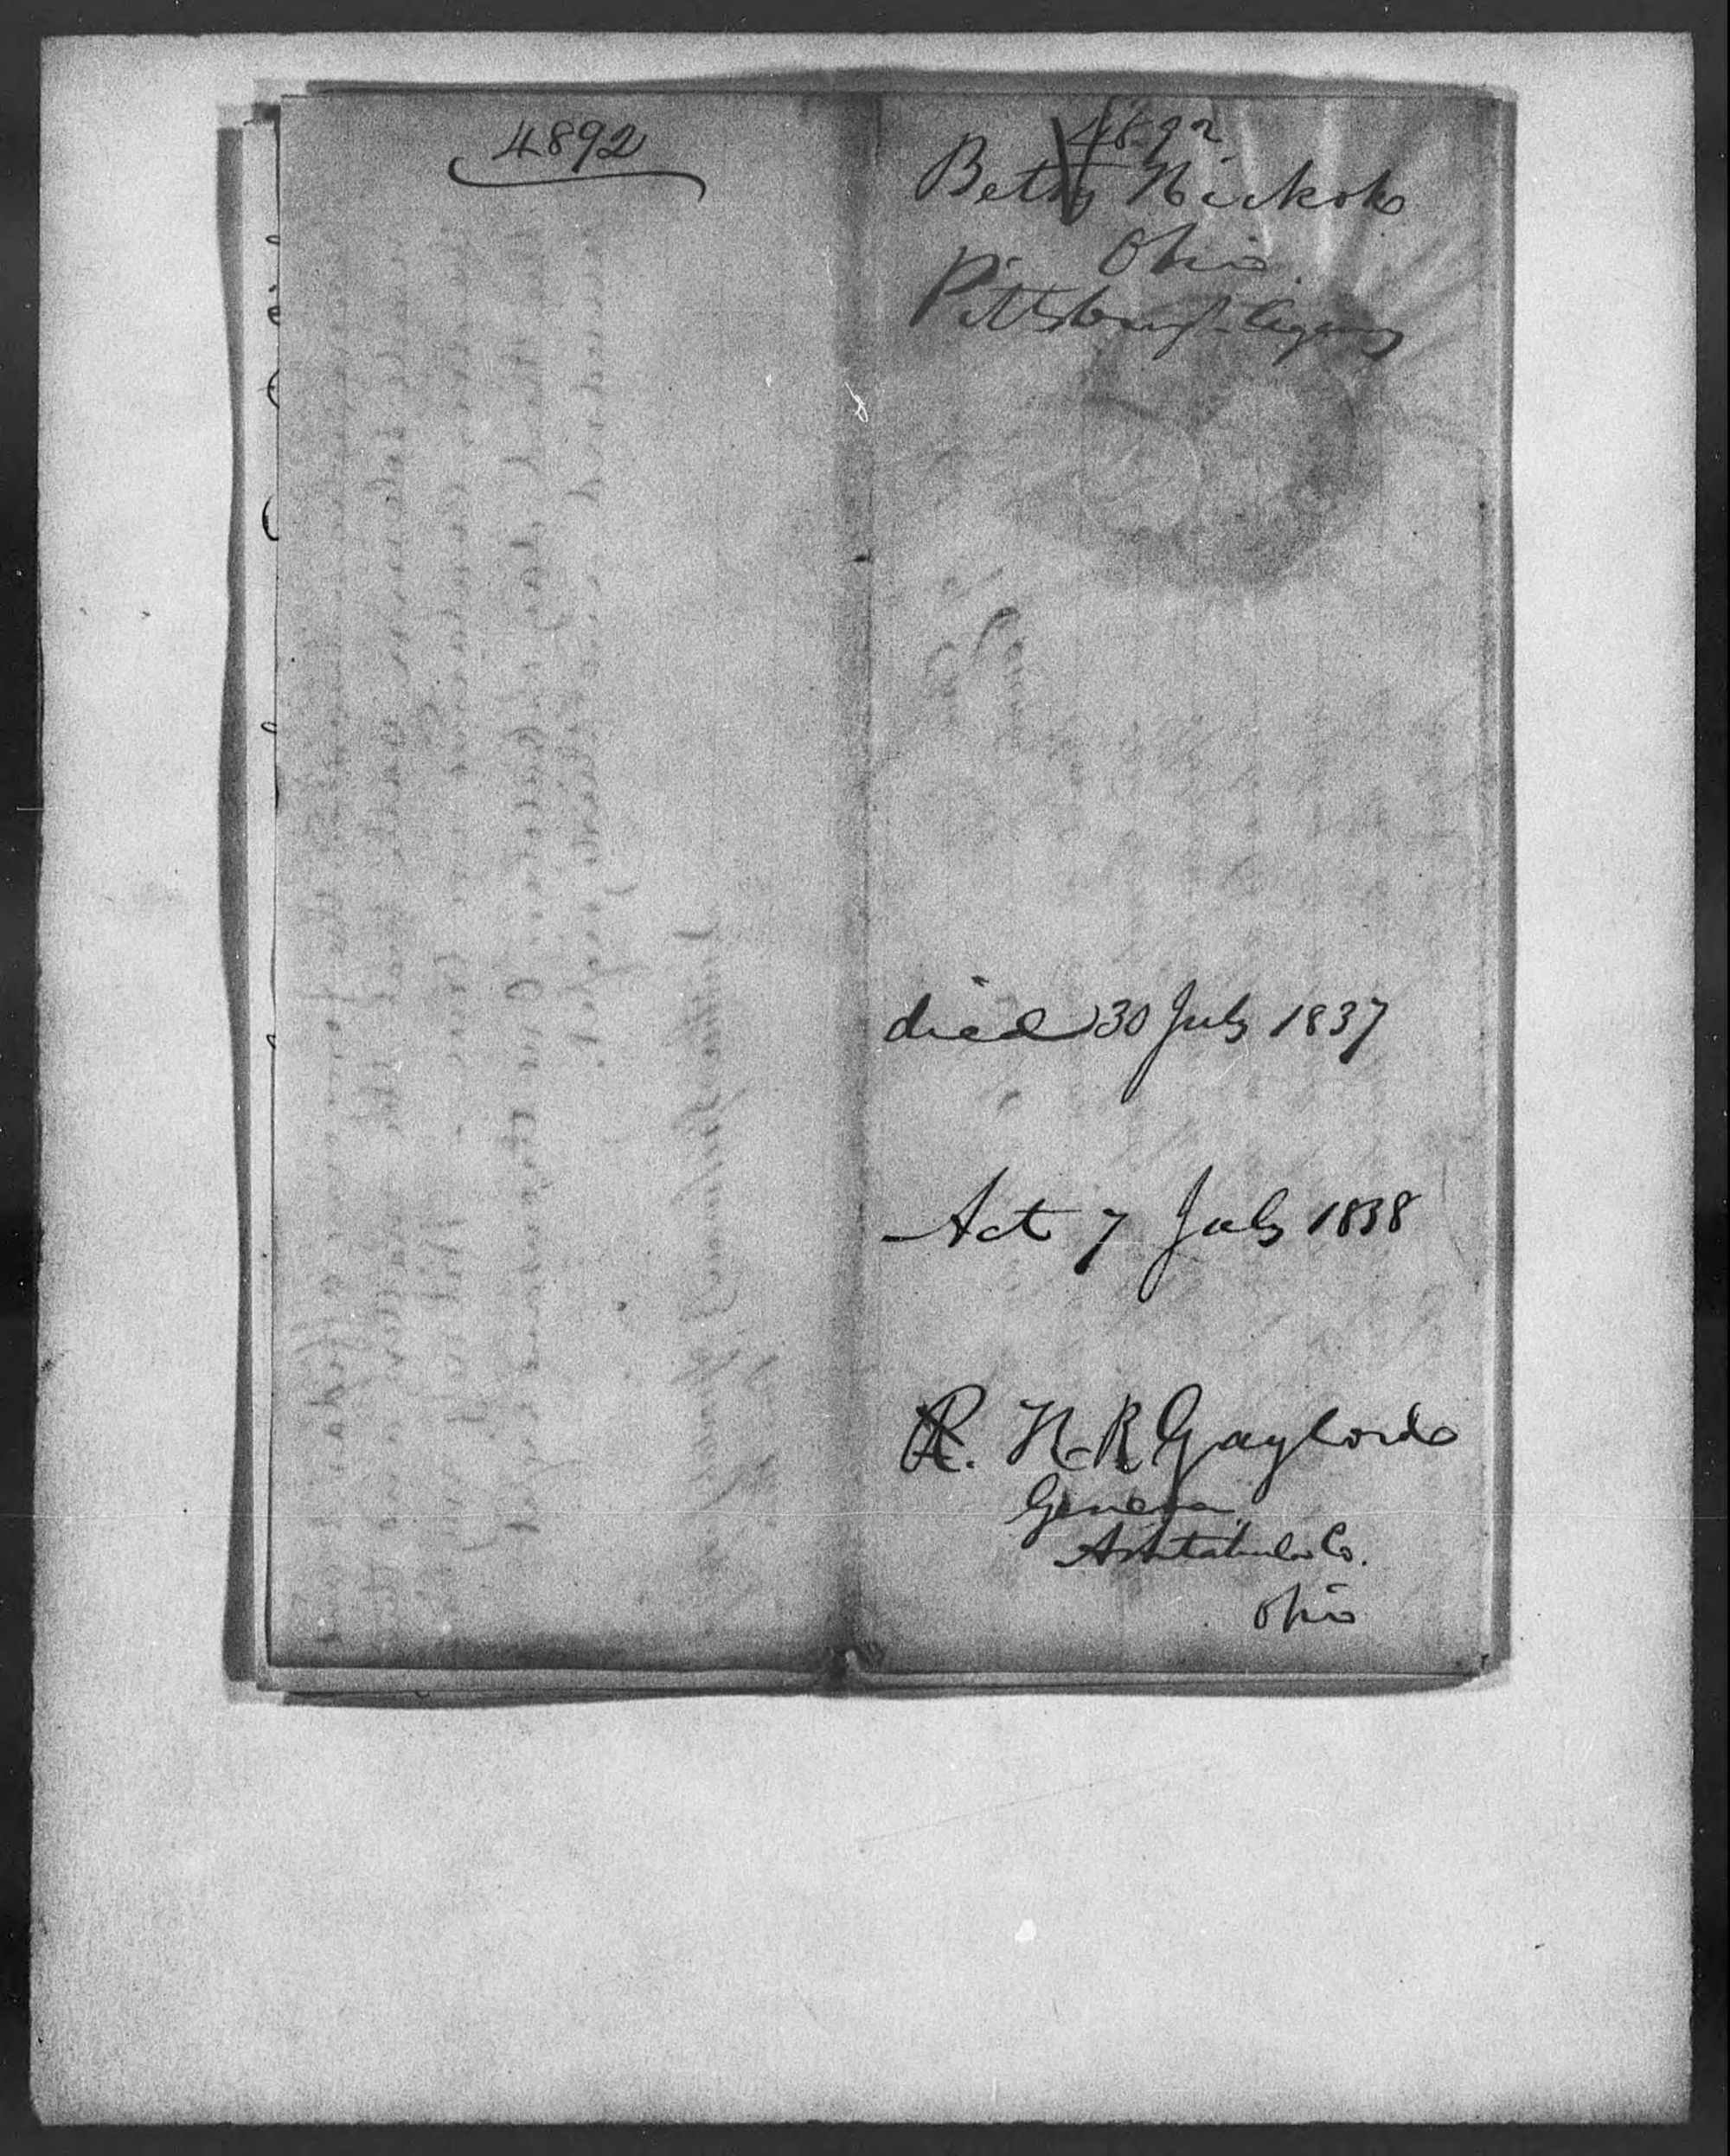4892                                             4892
                                         Betsey Hickok
                                                Ohio
                                       Pittsburgh Agency








                                        died 30 July 1837

                                        Act 7 July 1838

                     R. (crossed out)   N. R. Gaylord

                                               Geneva
                                          Ashtabula Co.
                                                    Ohio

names: Betsy Hickok, H R Gaylord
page: 14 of 45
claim: widow's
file: W. 4988, Durlin Hickok, Mass.